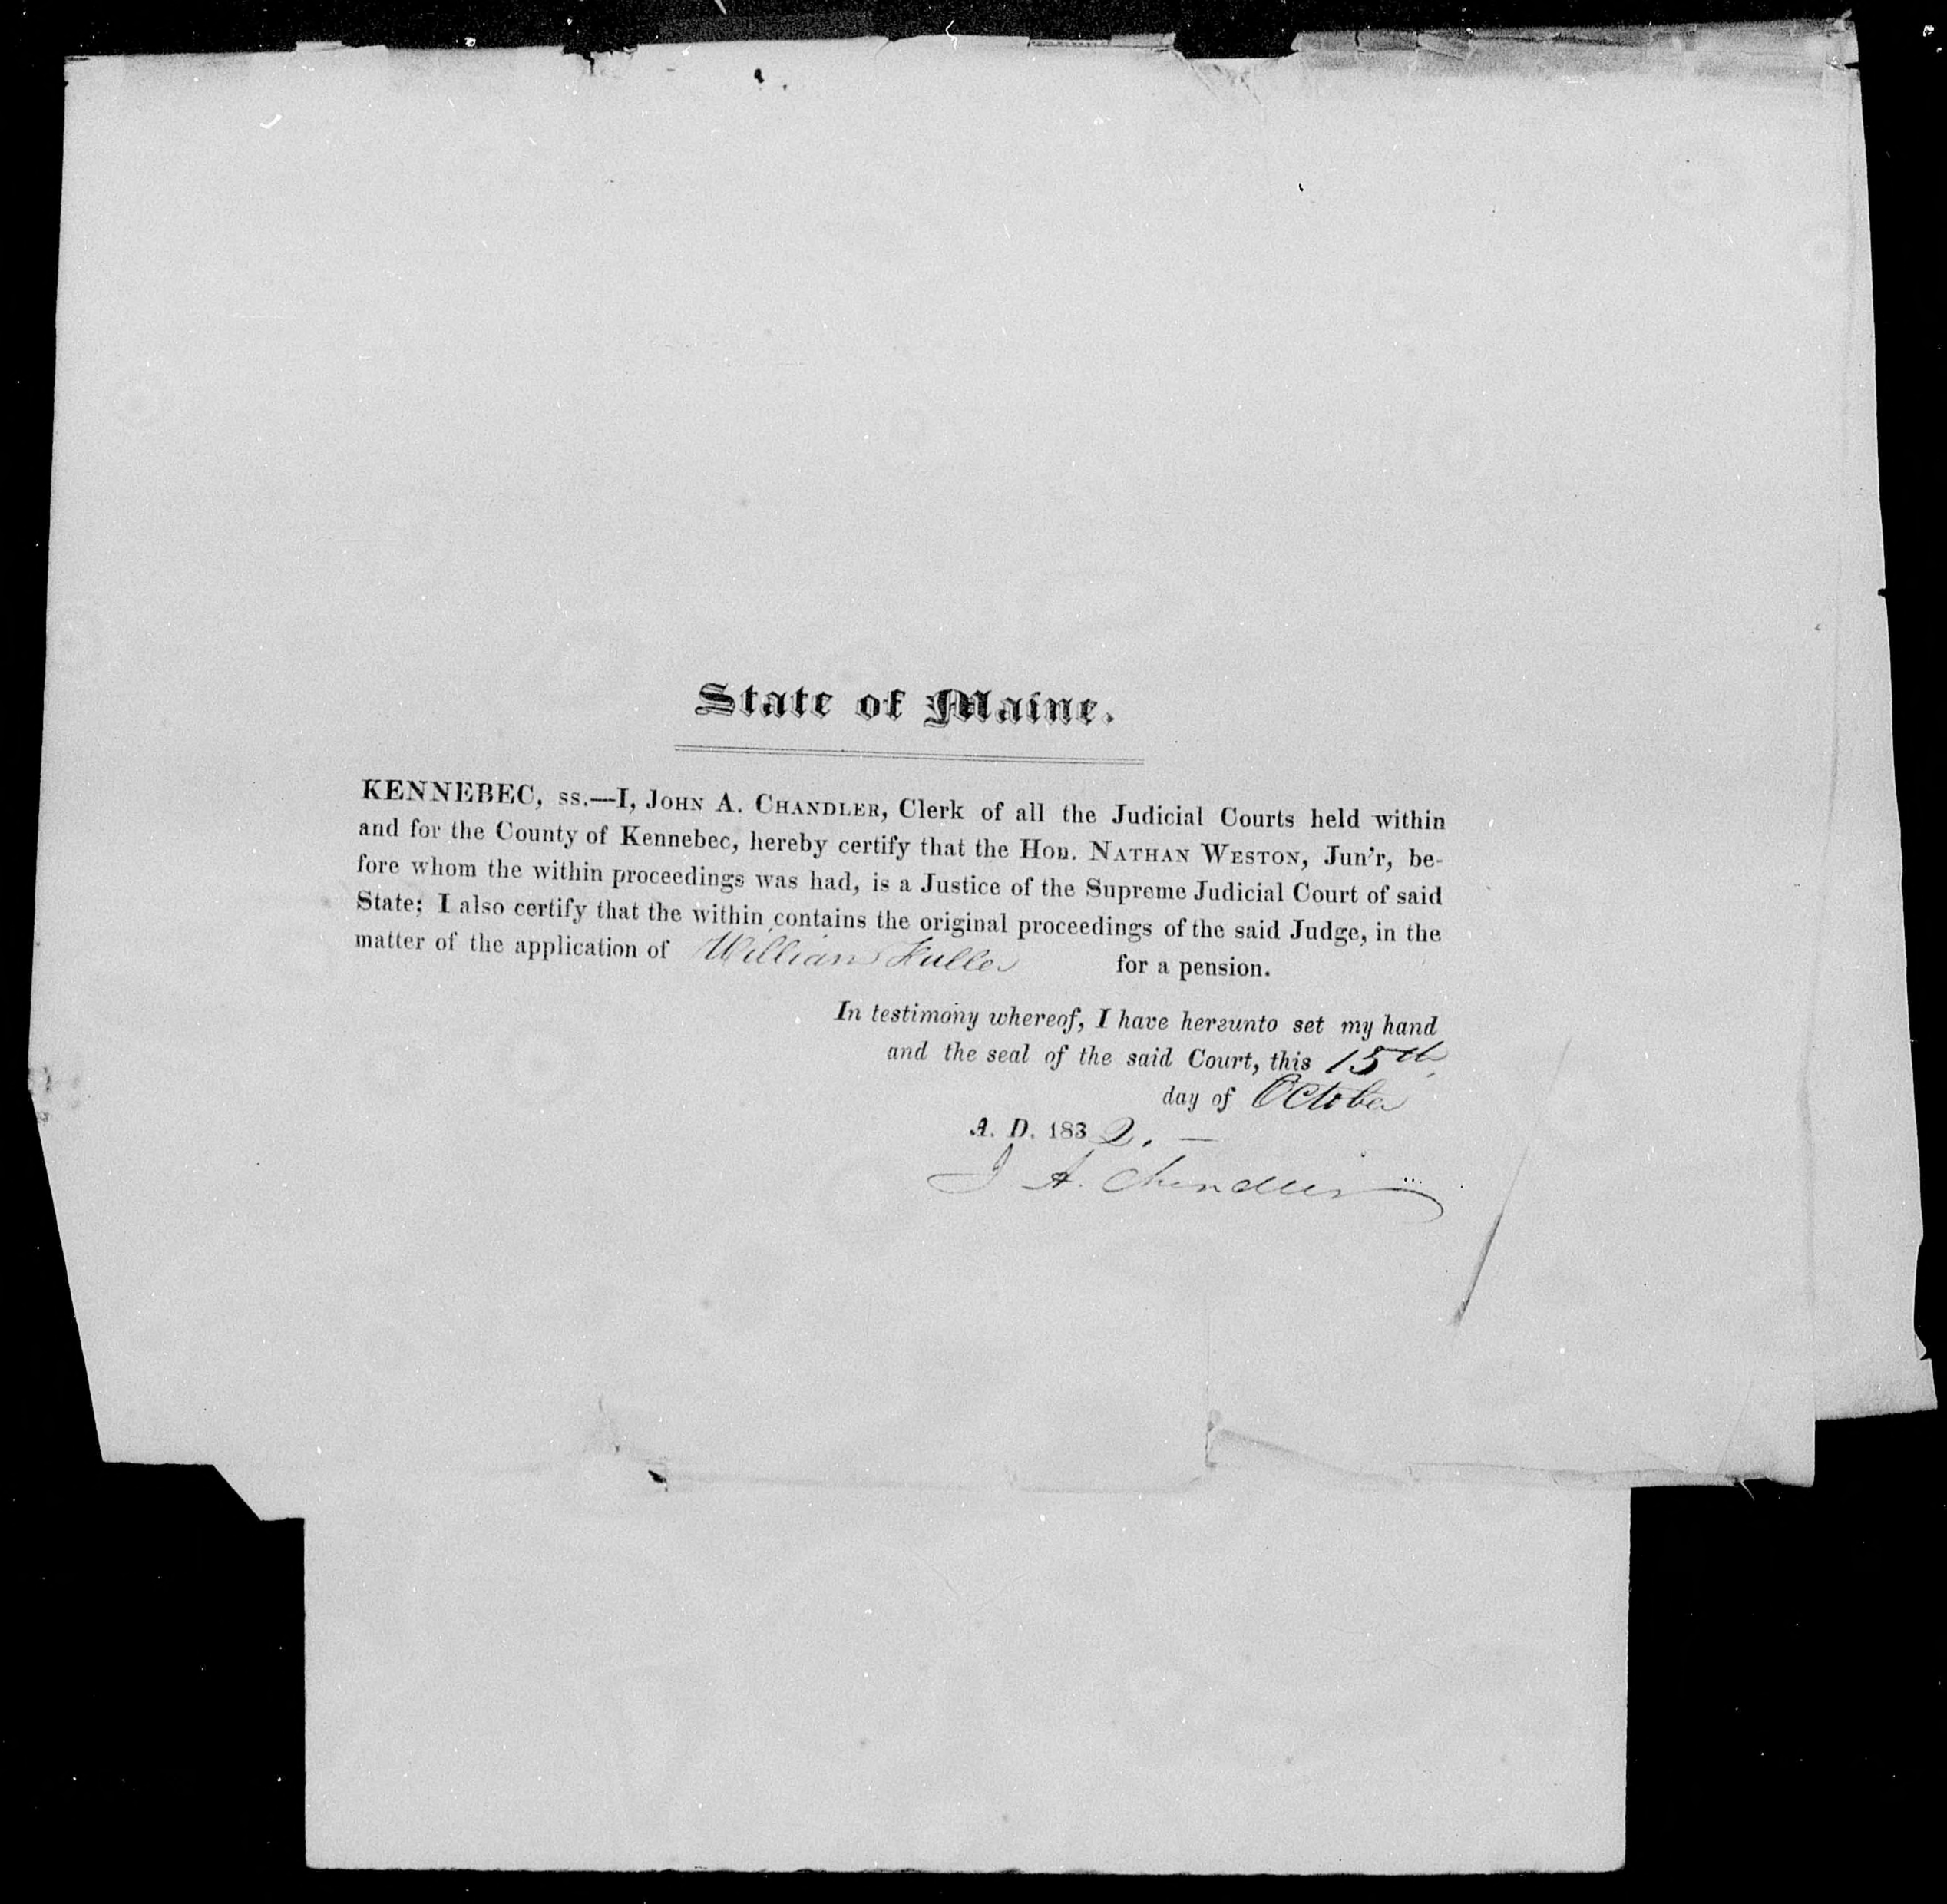State of Maine.
KENNEBEC, SS.-I, JOHN A. CHANDLER, Clerk of all the Judicial Courts held within and for the County of Kennebec, hereby certify that the Hon. NATHAN WESTON, Jun'r, before whom the within proceedings was had, is a Justice of the Supreme Judicial Court of said State; I also certify that the within contains the original proceedings of the said Judge, in the matter of the application of William Fuller for a pension.
In testimony whereof, I have hereunto set me hand and the seal of the said Court, this 15th day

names: Nathan Weston, William Fuller, J A Chandler, John A Chandler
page: 7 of 45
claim: widow's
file: W. 17933, William Fuller, Mass